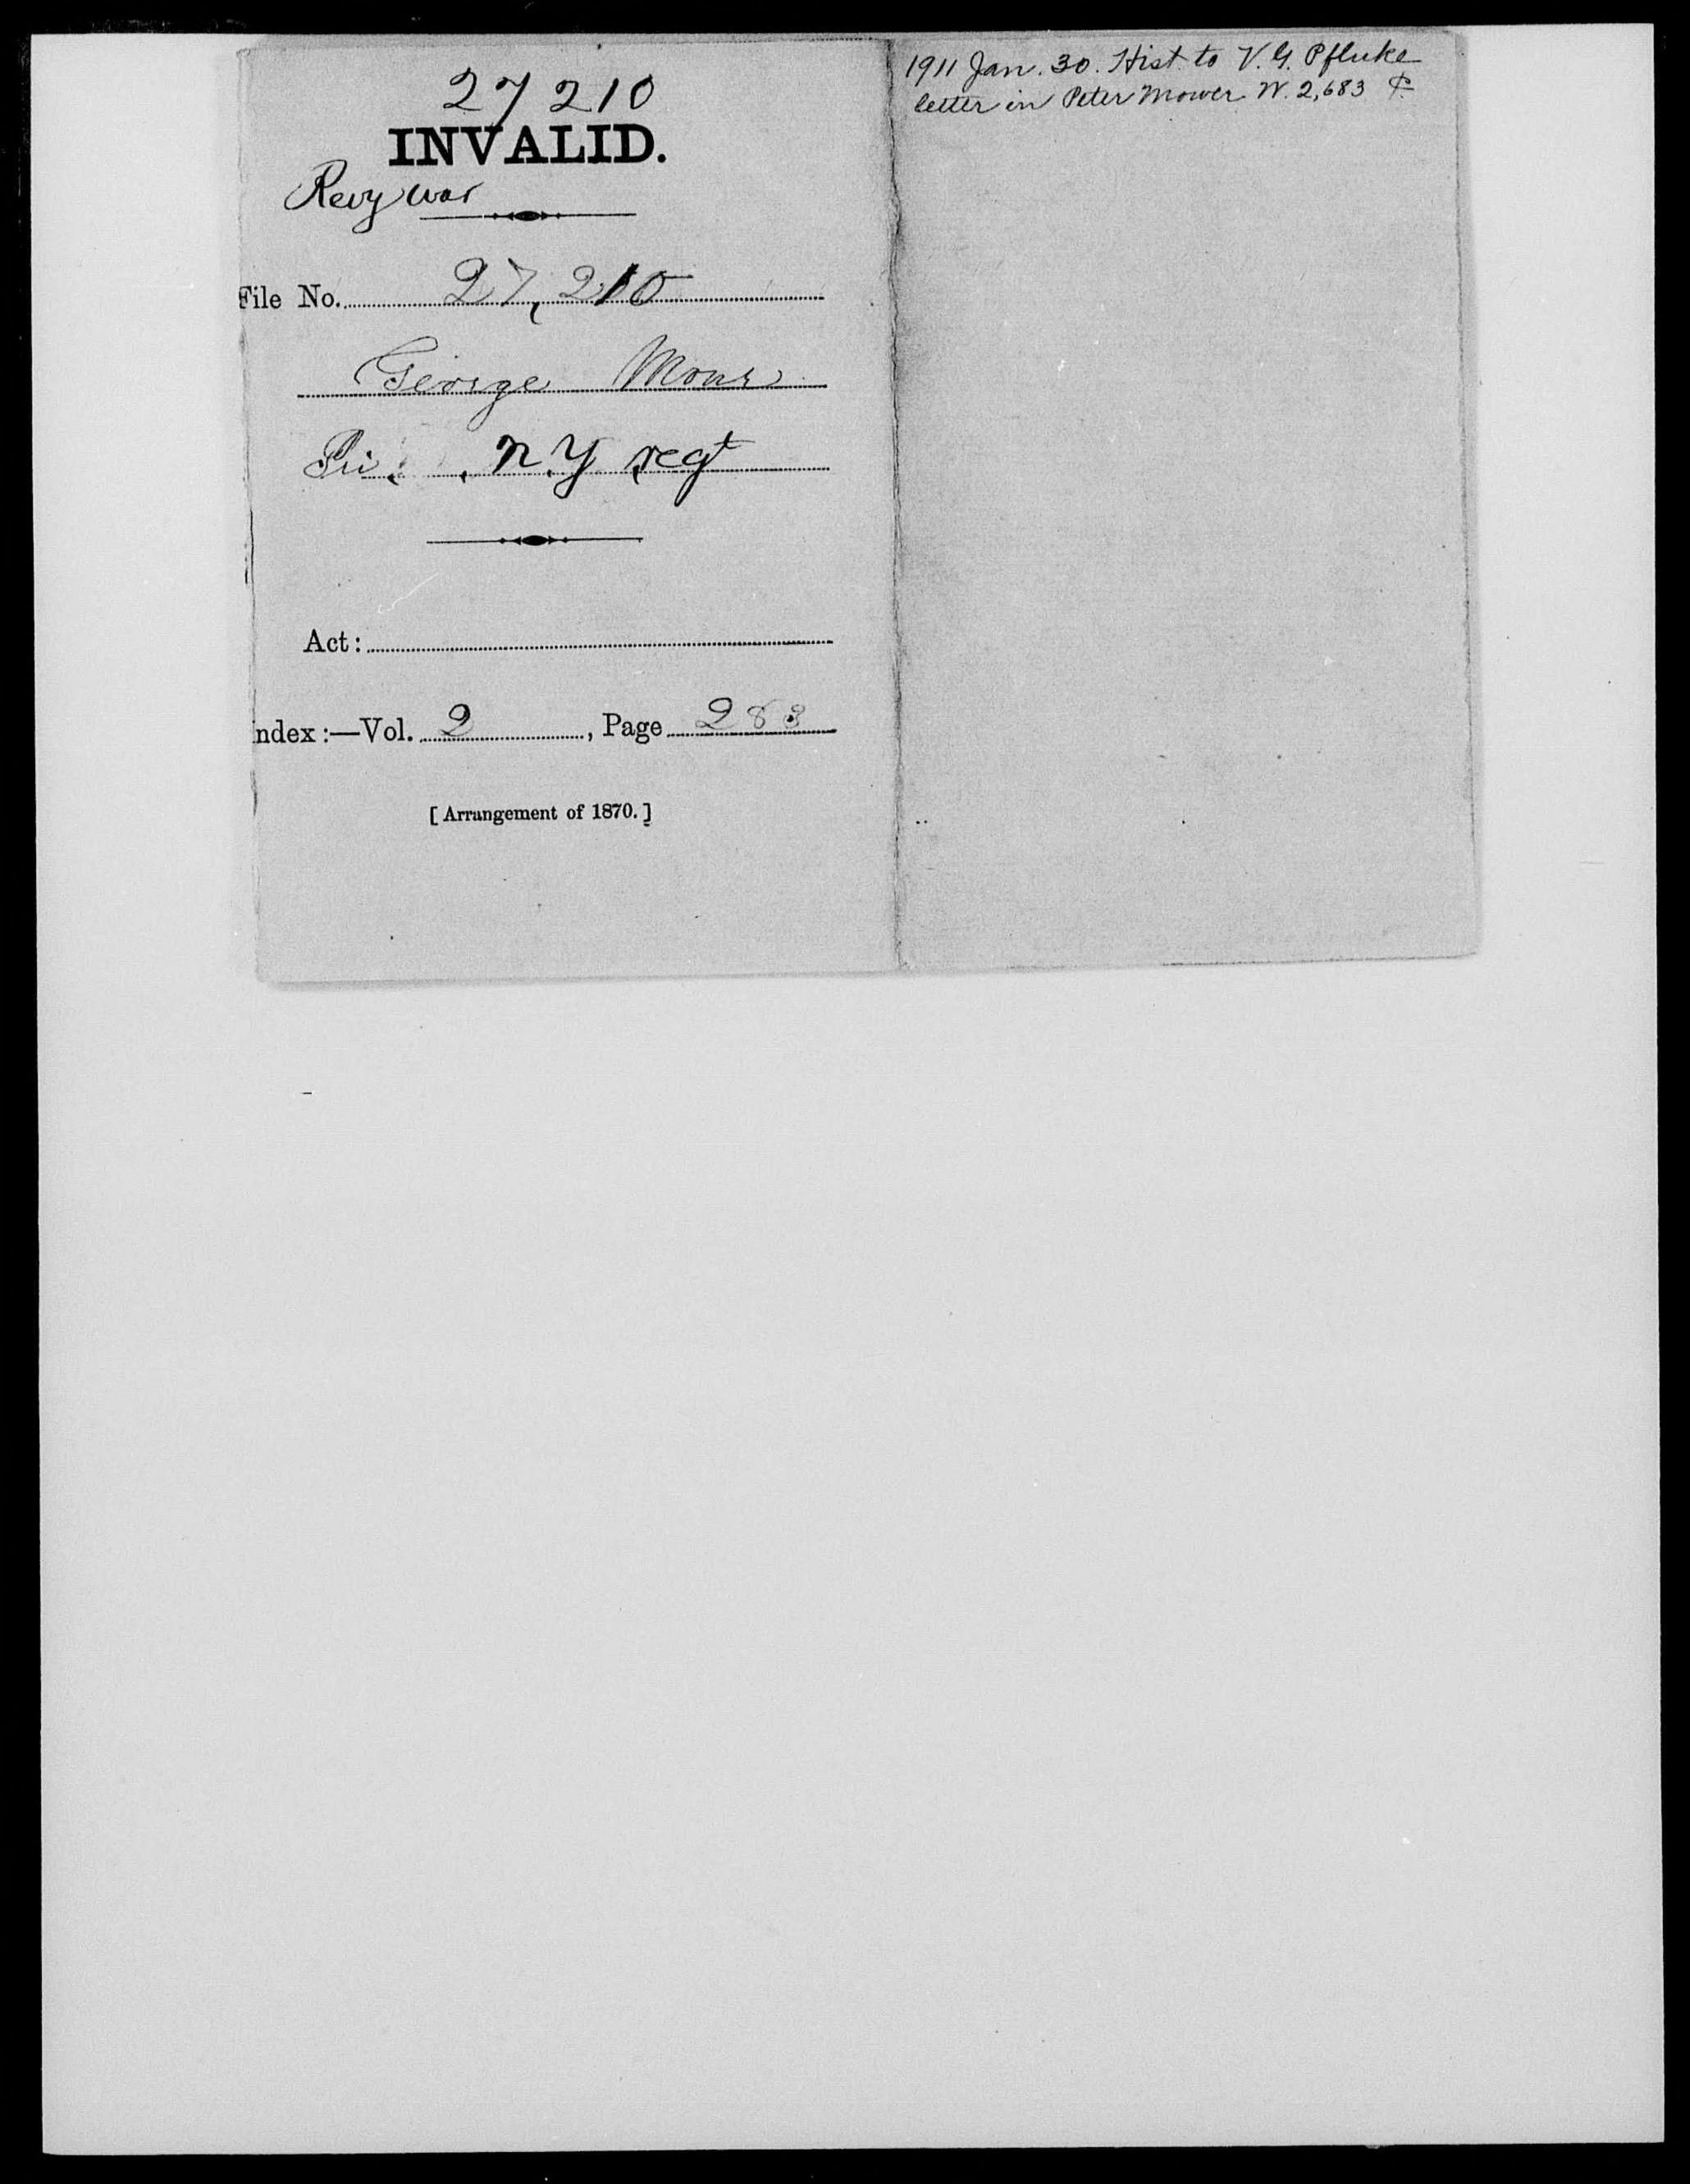27210
INVALID.
Revy war
File No. 27,210
George Mour
Priv., N.Y. regt
Act: [blank]
Index: Vol. 2, Page 263
(Arrangement of 1870.)

1911 Jan. 30. Hist to V. G. Pfluke
letter in Peter Mower W. 2,683 ¢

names: V G Pfluke; Peter Mower; George Mour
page: 4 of 11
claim: survivor's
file: S. 27,210, for George Mour, New York